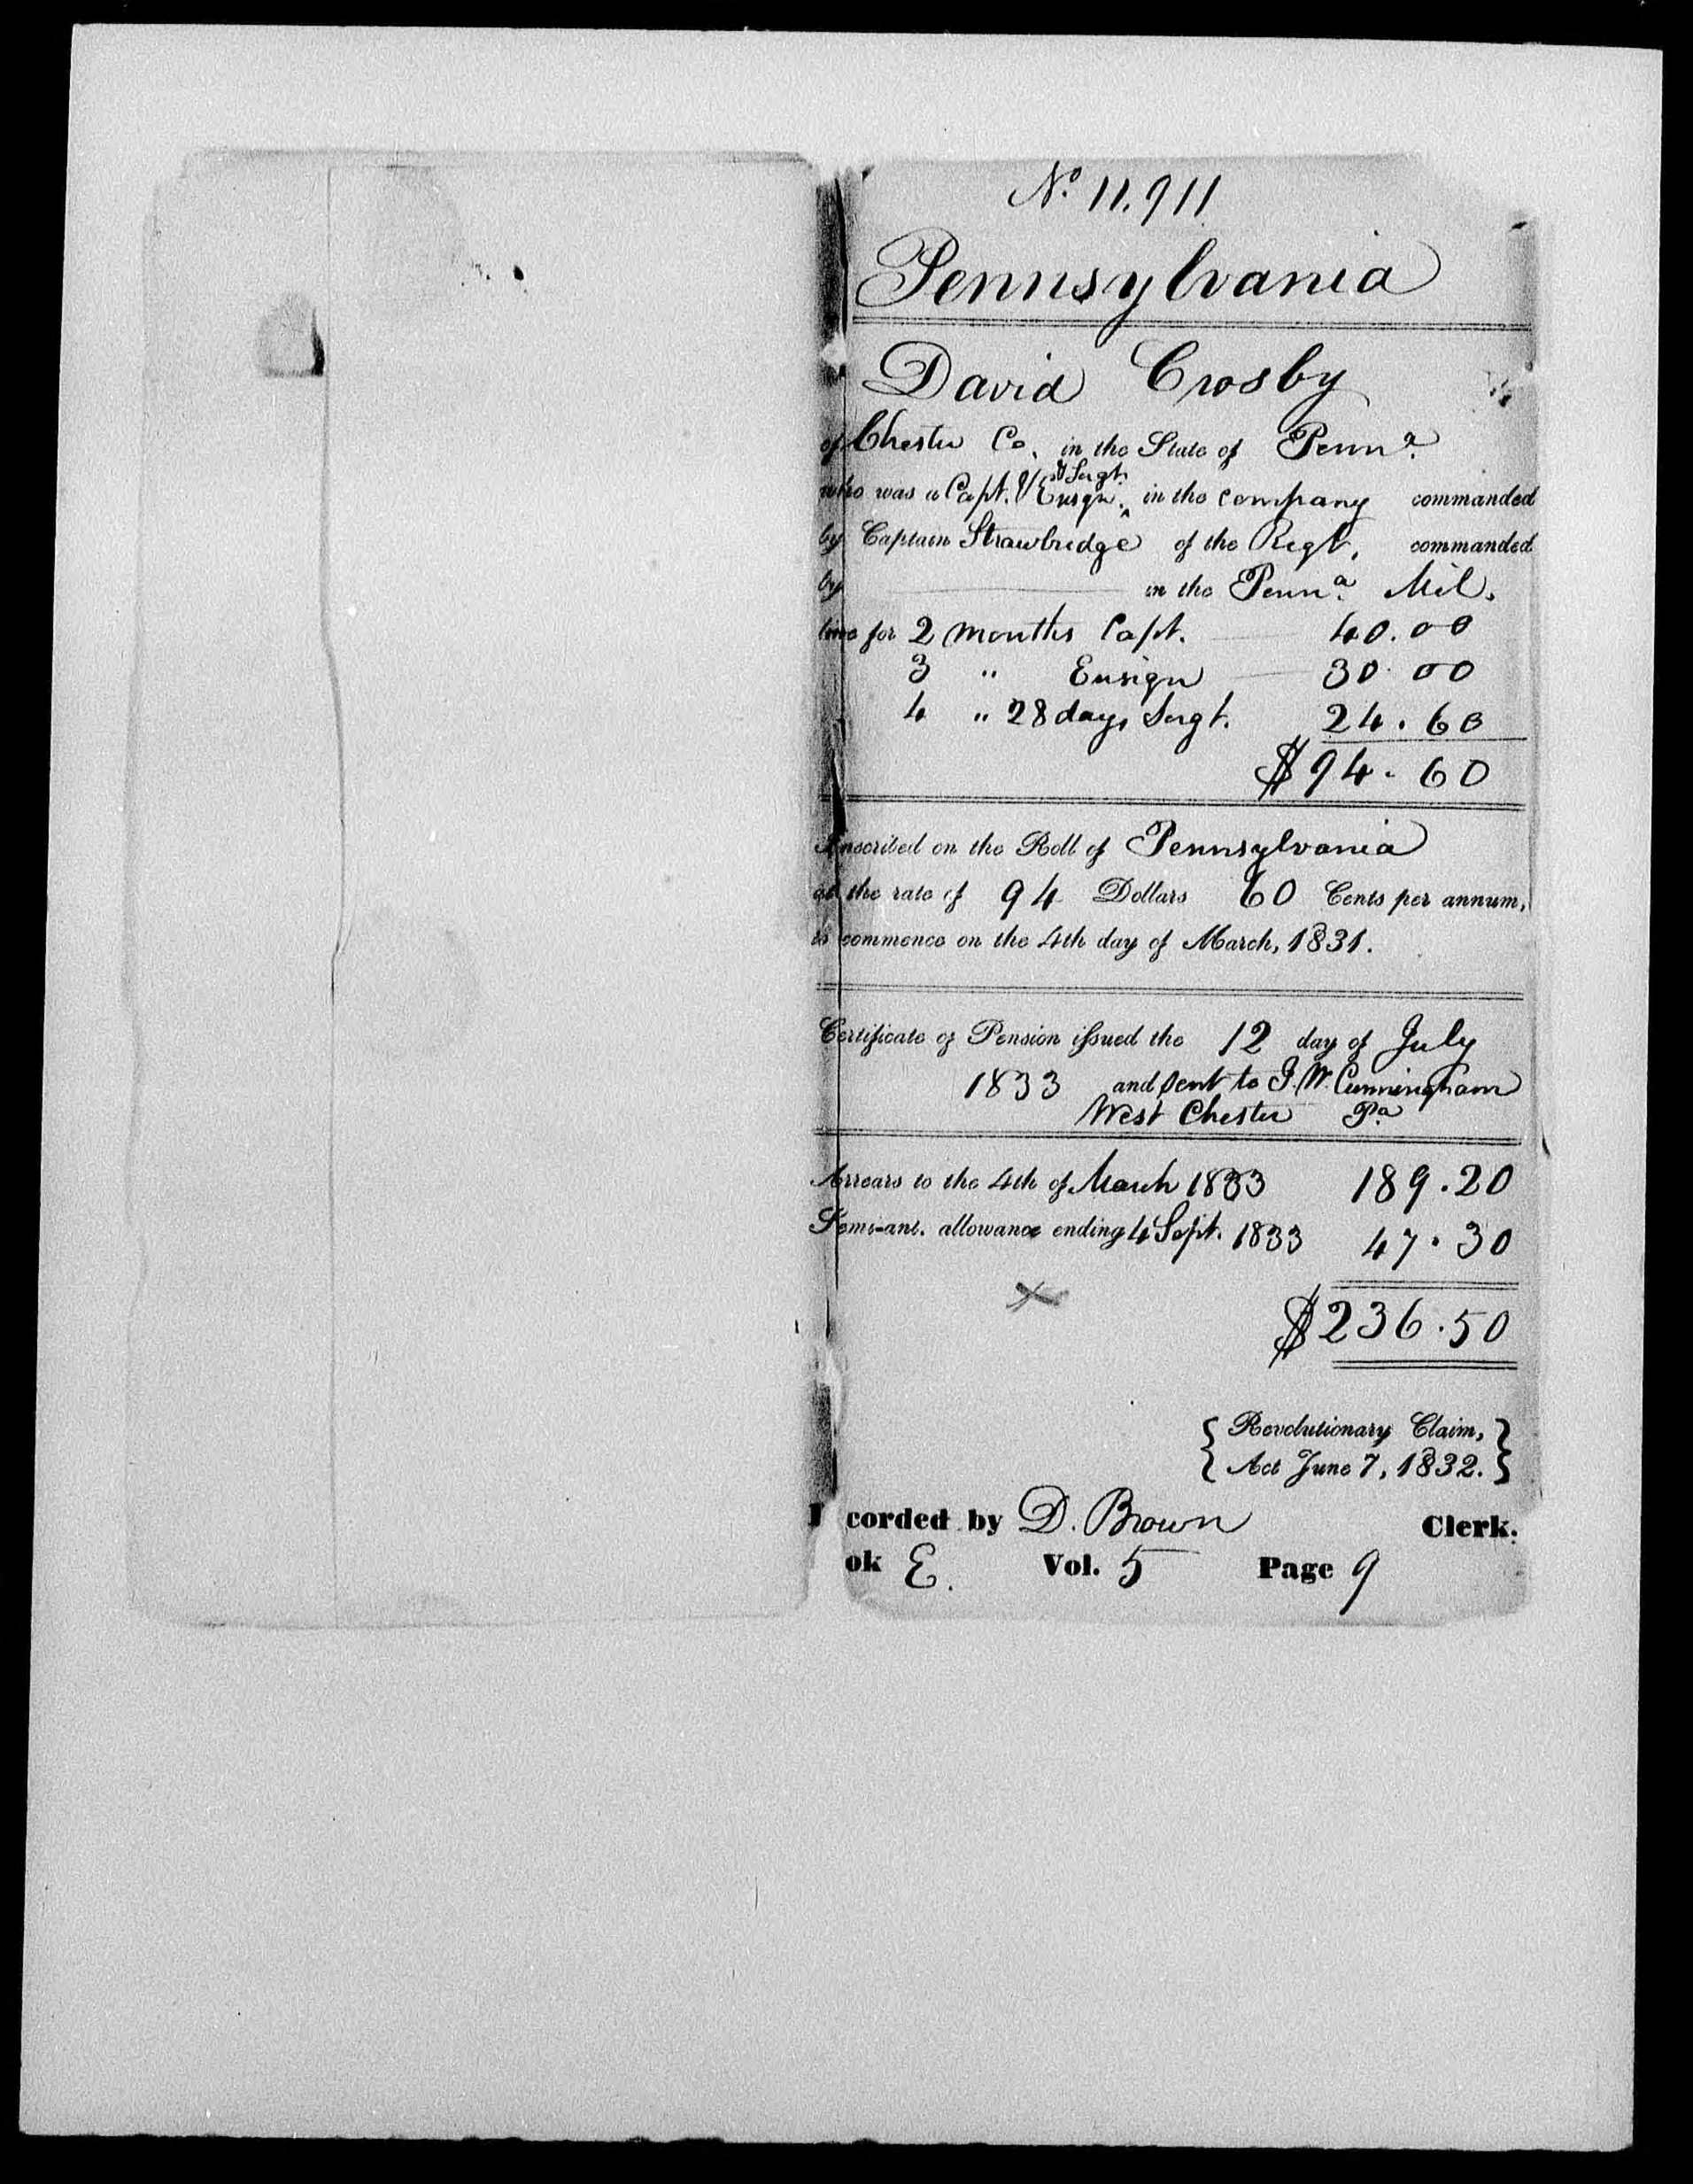No. 11.711
Pennsylvania

David Crosby

of Chester County in the State of Penn. who was a Capt/ Ensign [Leigh/Lugh?] in the company commanded by Captain Strawbridge of the Regt. commanded by _______ in the Penn. a. Mil. line  for 

2 months Capt - 40.00
3 " Ensign - 30.00
4 " 28 days, Augt. 24.00
__________
$74.00

Inscribed on the Roll of Pennsylvania at the rate of 94 Dollars 60 Cents per annum, to commence on the 4th day of March 1834.

Certificate of Pension issued the 12 day of July 1833 and sent to J. W. Cunningham
West Chester Pa

Arrears to the 4th of March 1833
189.20
Semi-anl. allowance ending 4 Sept. 1833 
47.30
_________
$236.50

Revolutionary Claim,
Act June 7, 1832

Recorded by D. Brown 
Clerk:
ok E
Vol. 5
Page 9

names: David Crosby, D Brown, Strawbridge, V Lugh, J W Cunningham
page: 2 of 19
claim: survivor's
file: S. 12626, David Crosby, Penn.